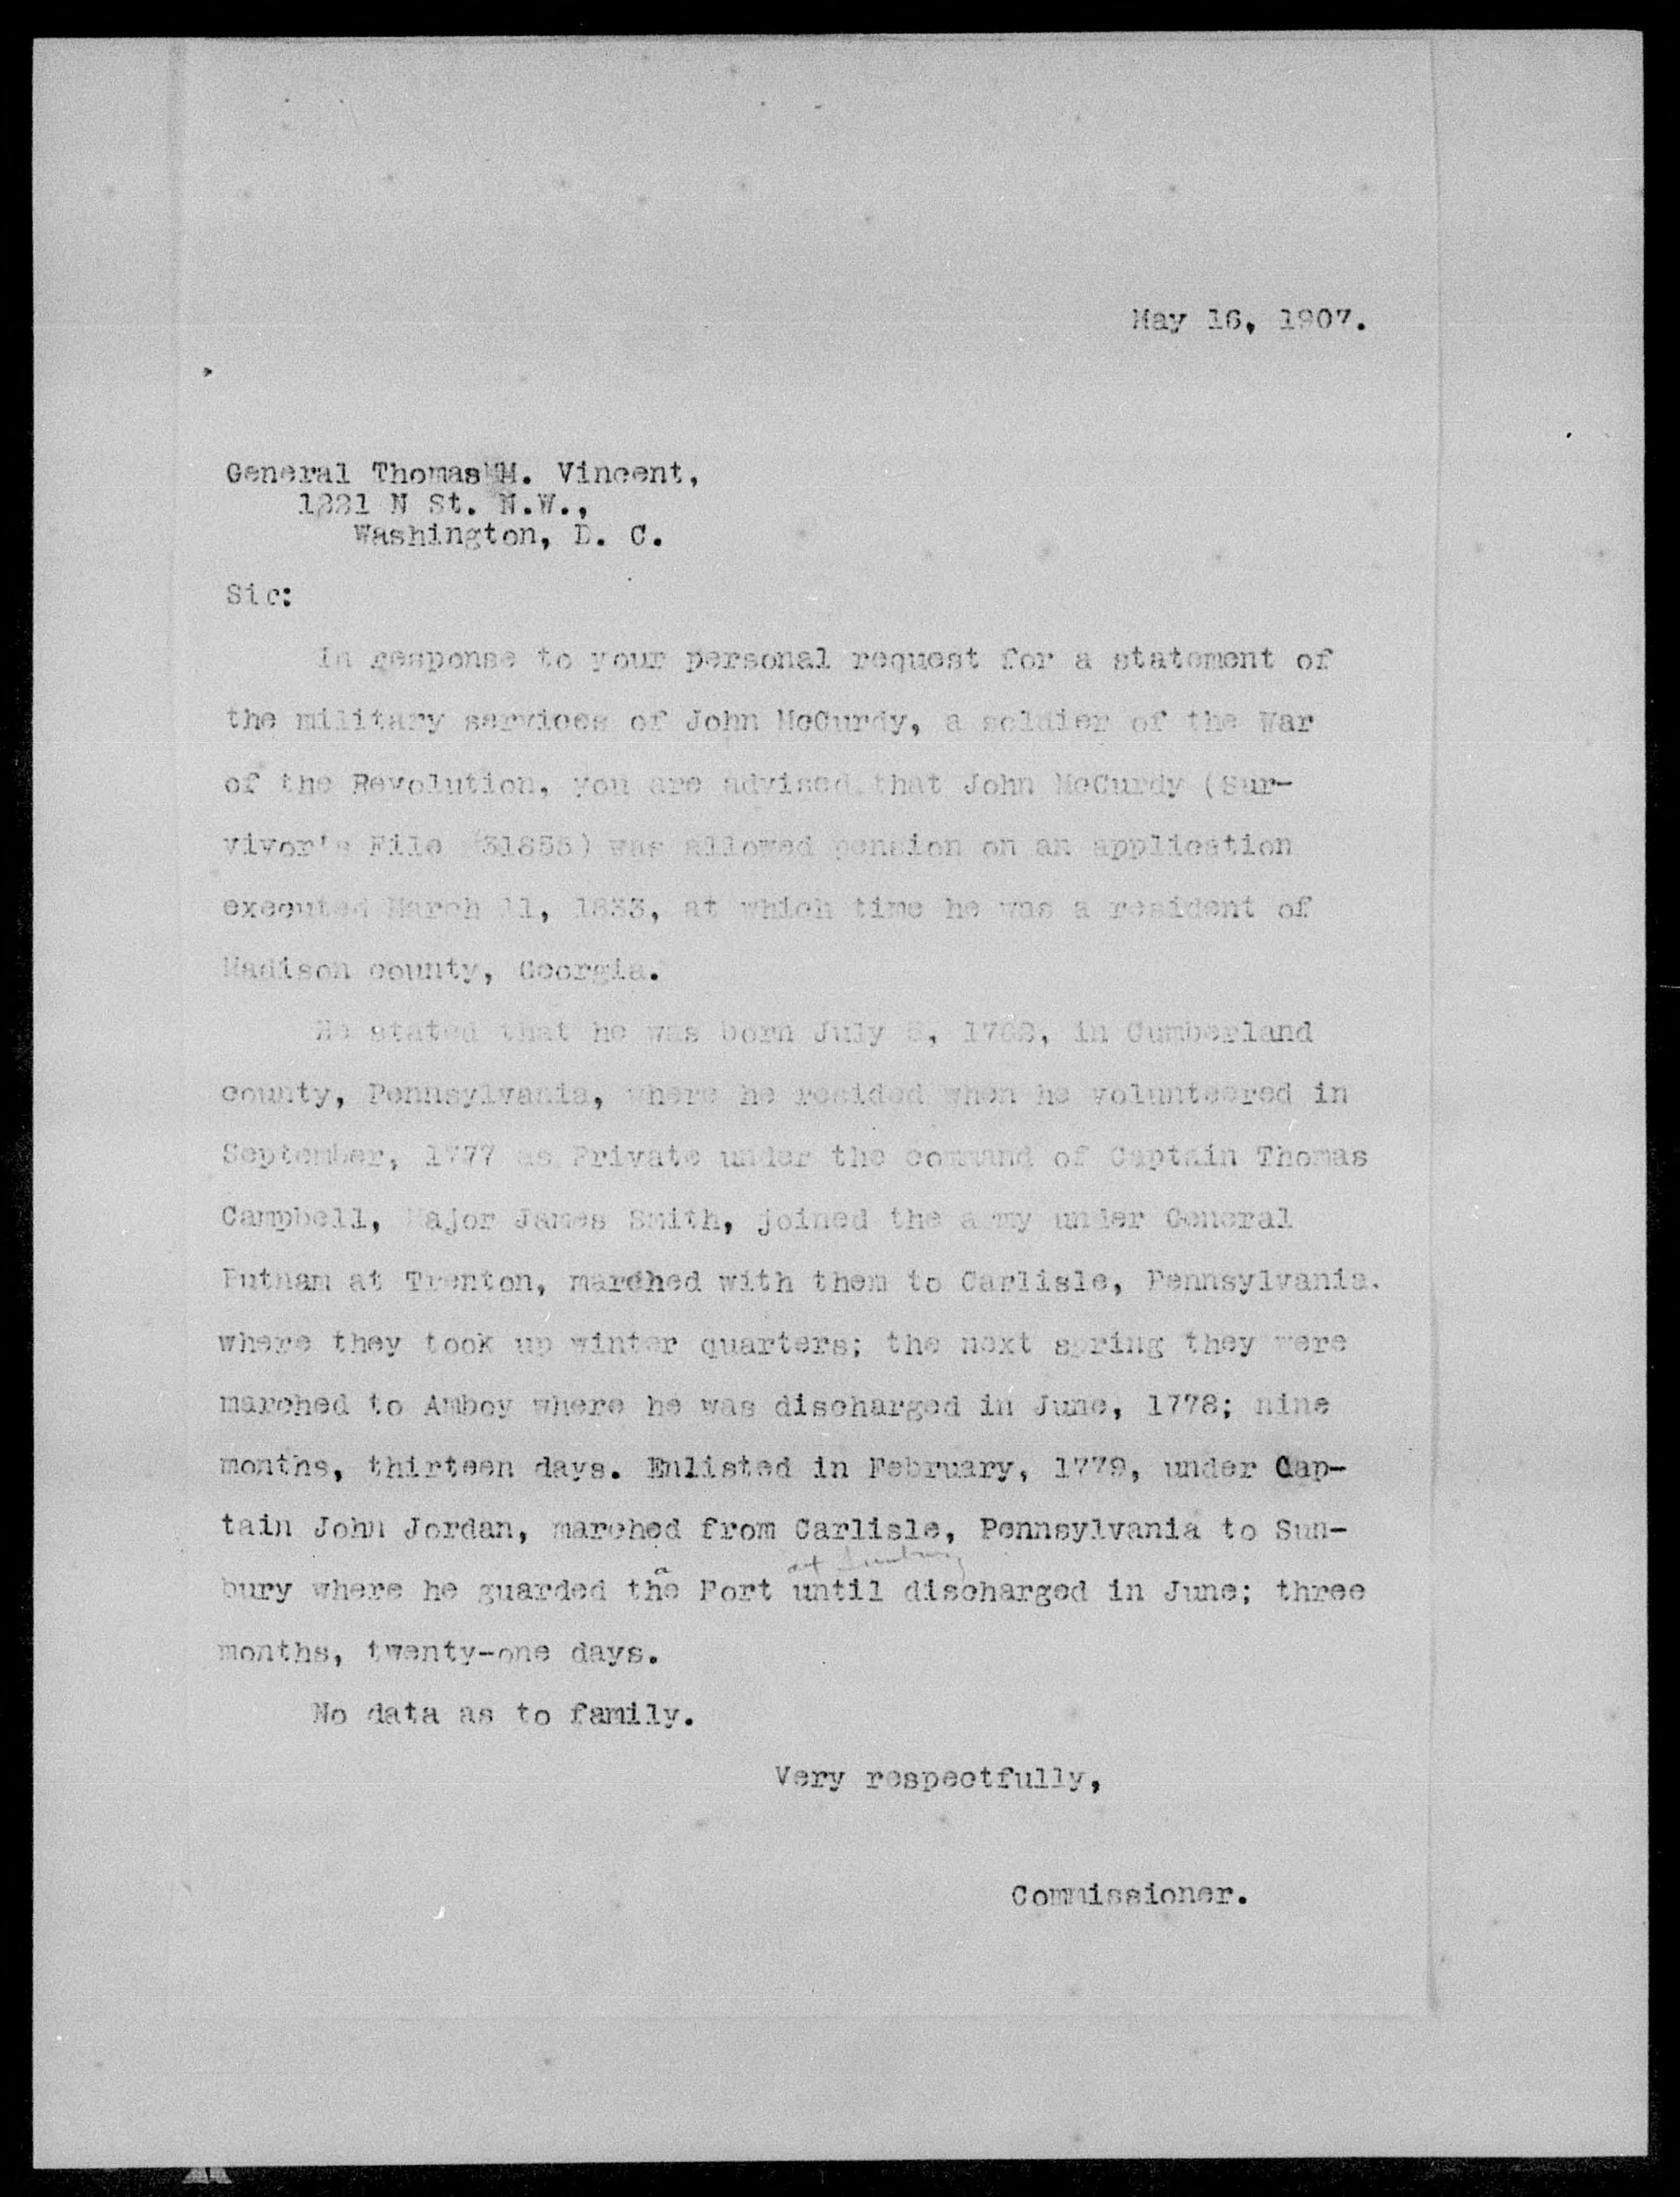May 16, 1907.

General Thomas M. Vincent,
1821 N St. N. W.
Washington, D. C.

Sir:

     In response to your personal request for a statement of
the military services of John McCurdy, a soldier of the War
of the Revolution, you are advised that John McCurdy Survivor's File 31855) was allowed pension on an application
executed March 21, 1833, at which time he was a resident of
Madison County, Georgia.

     He stated that he was born July 6, 1762, in Cumberland
county, Pennsylvania, where he resided when he volunteered in September, 1777, Private under the command of Captain Thomas Campbell, Major James Smith, joined the army under General Putnam at Trenton, marched with them to Carlisle, Pennsylvania. where they took up winter quarters; the next spring they were marched to Amboy where he was discharged in June, 1778; nine months, thirteen days. Enlisted in February, 1779, under Capttain John Jordan, marched from Carlisle, Pennsylvania to Sunbury where he guarded the Fort until discharged in June; three months, twenty-one days.

      No data as to family.
                           Very respectfully,
                           Commissioner.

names: John Jordan; Thomas M Vincent; James Smith; John Mc Curdy; Thomas Campbell; [BLANK] Putnam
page: 16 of 19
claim: survivor's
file: S. 31,855, for John Mc Curdy, Pennsylvania